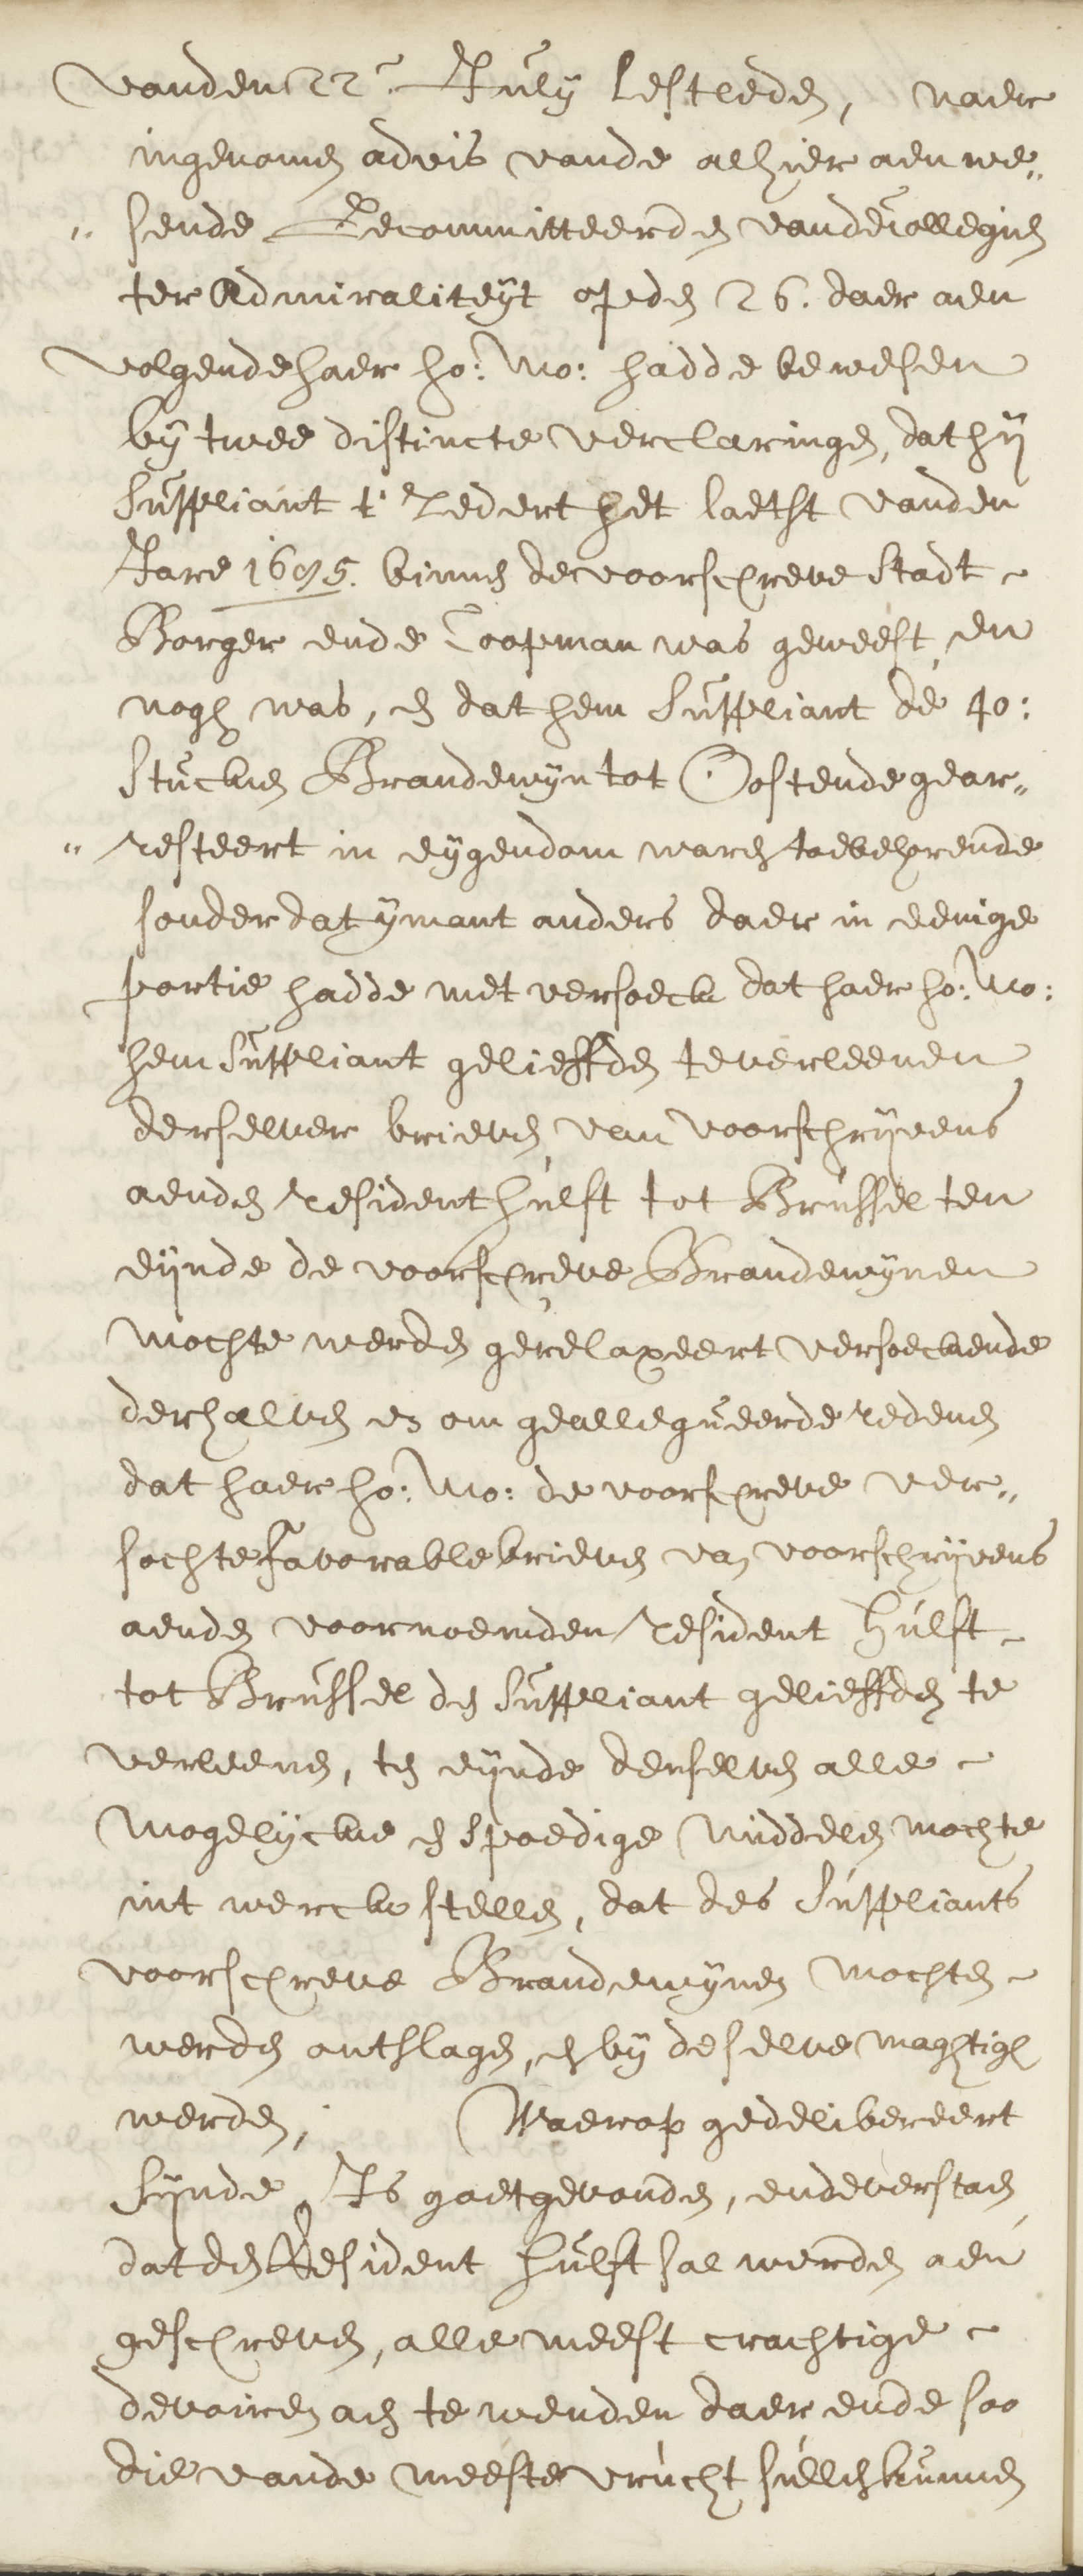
vanden 22e. Julij lestleden, naer
ingenomen advis vande alhier aenwe,,
,,sende Gecommitteerden vande Collegien
ter Admiraliteijt opden 26. daer aen
volgende haer ho:Mo: hadde bewesen
bij twee distincte verclaringen, dat hij
Suppliant t' Zedert het laetst vanden
Jare 1685 binnen de voorschreve Stadt
Borger ende Coopman was geweest en
nogh was, & dat hem Suppliant de 40:
stucken Brandewijn tot Oostende gear„
„resteert in eijgendam waren toebehorende
sonder dat ijmant anders daer in eenige
portie hadde met versoeck dat haer ho:Mo:
hem suppliant gelieffden te verleenen
derselver brieven van voorschrijvens
aenden resident Hulst tot Brussel ten
eijnde de voorschreve Brandewijnen
mochte werden gerelaxeert versoeckende
derhalven en om geallegueerde redenen
dat haer ho:Mo: de voorschreve ver„
sochte favorable brieven van voorschrijvens
aenden voornoemden resident Hulst
tot Brussel den Suppliant gelieffden te
verleenen, ten eijnde denselven alle
mogelijcke & spoedige middelen mochte
int werck stellen, dat des Suppliants
voorschreve Brandewijnen mochten
werden ontslagen, en bij deselve maghtigh
werden; Waerop gedelibereert
sijnde, is goetgevonden, ende verstaen
dat den Resident Hulst sal werden aen
geschreven, alle meest crachtige
devoiren aen te wenden daer ende soo
die vande meeste vrucht sulle kunnen
